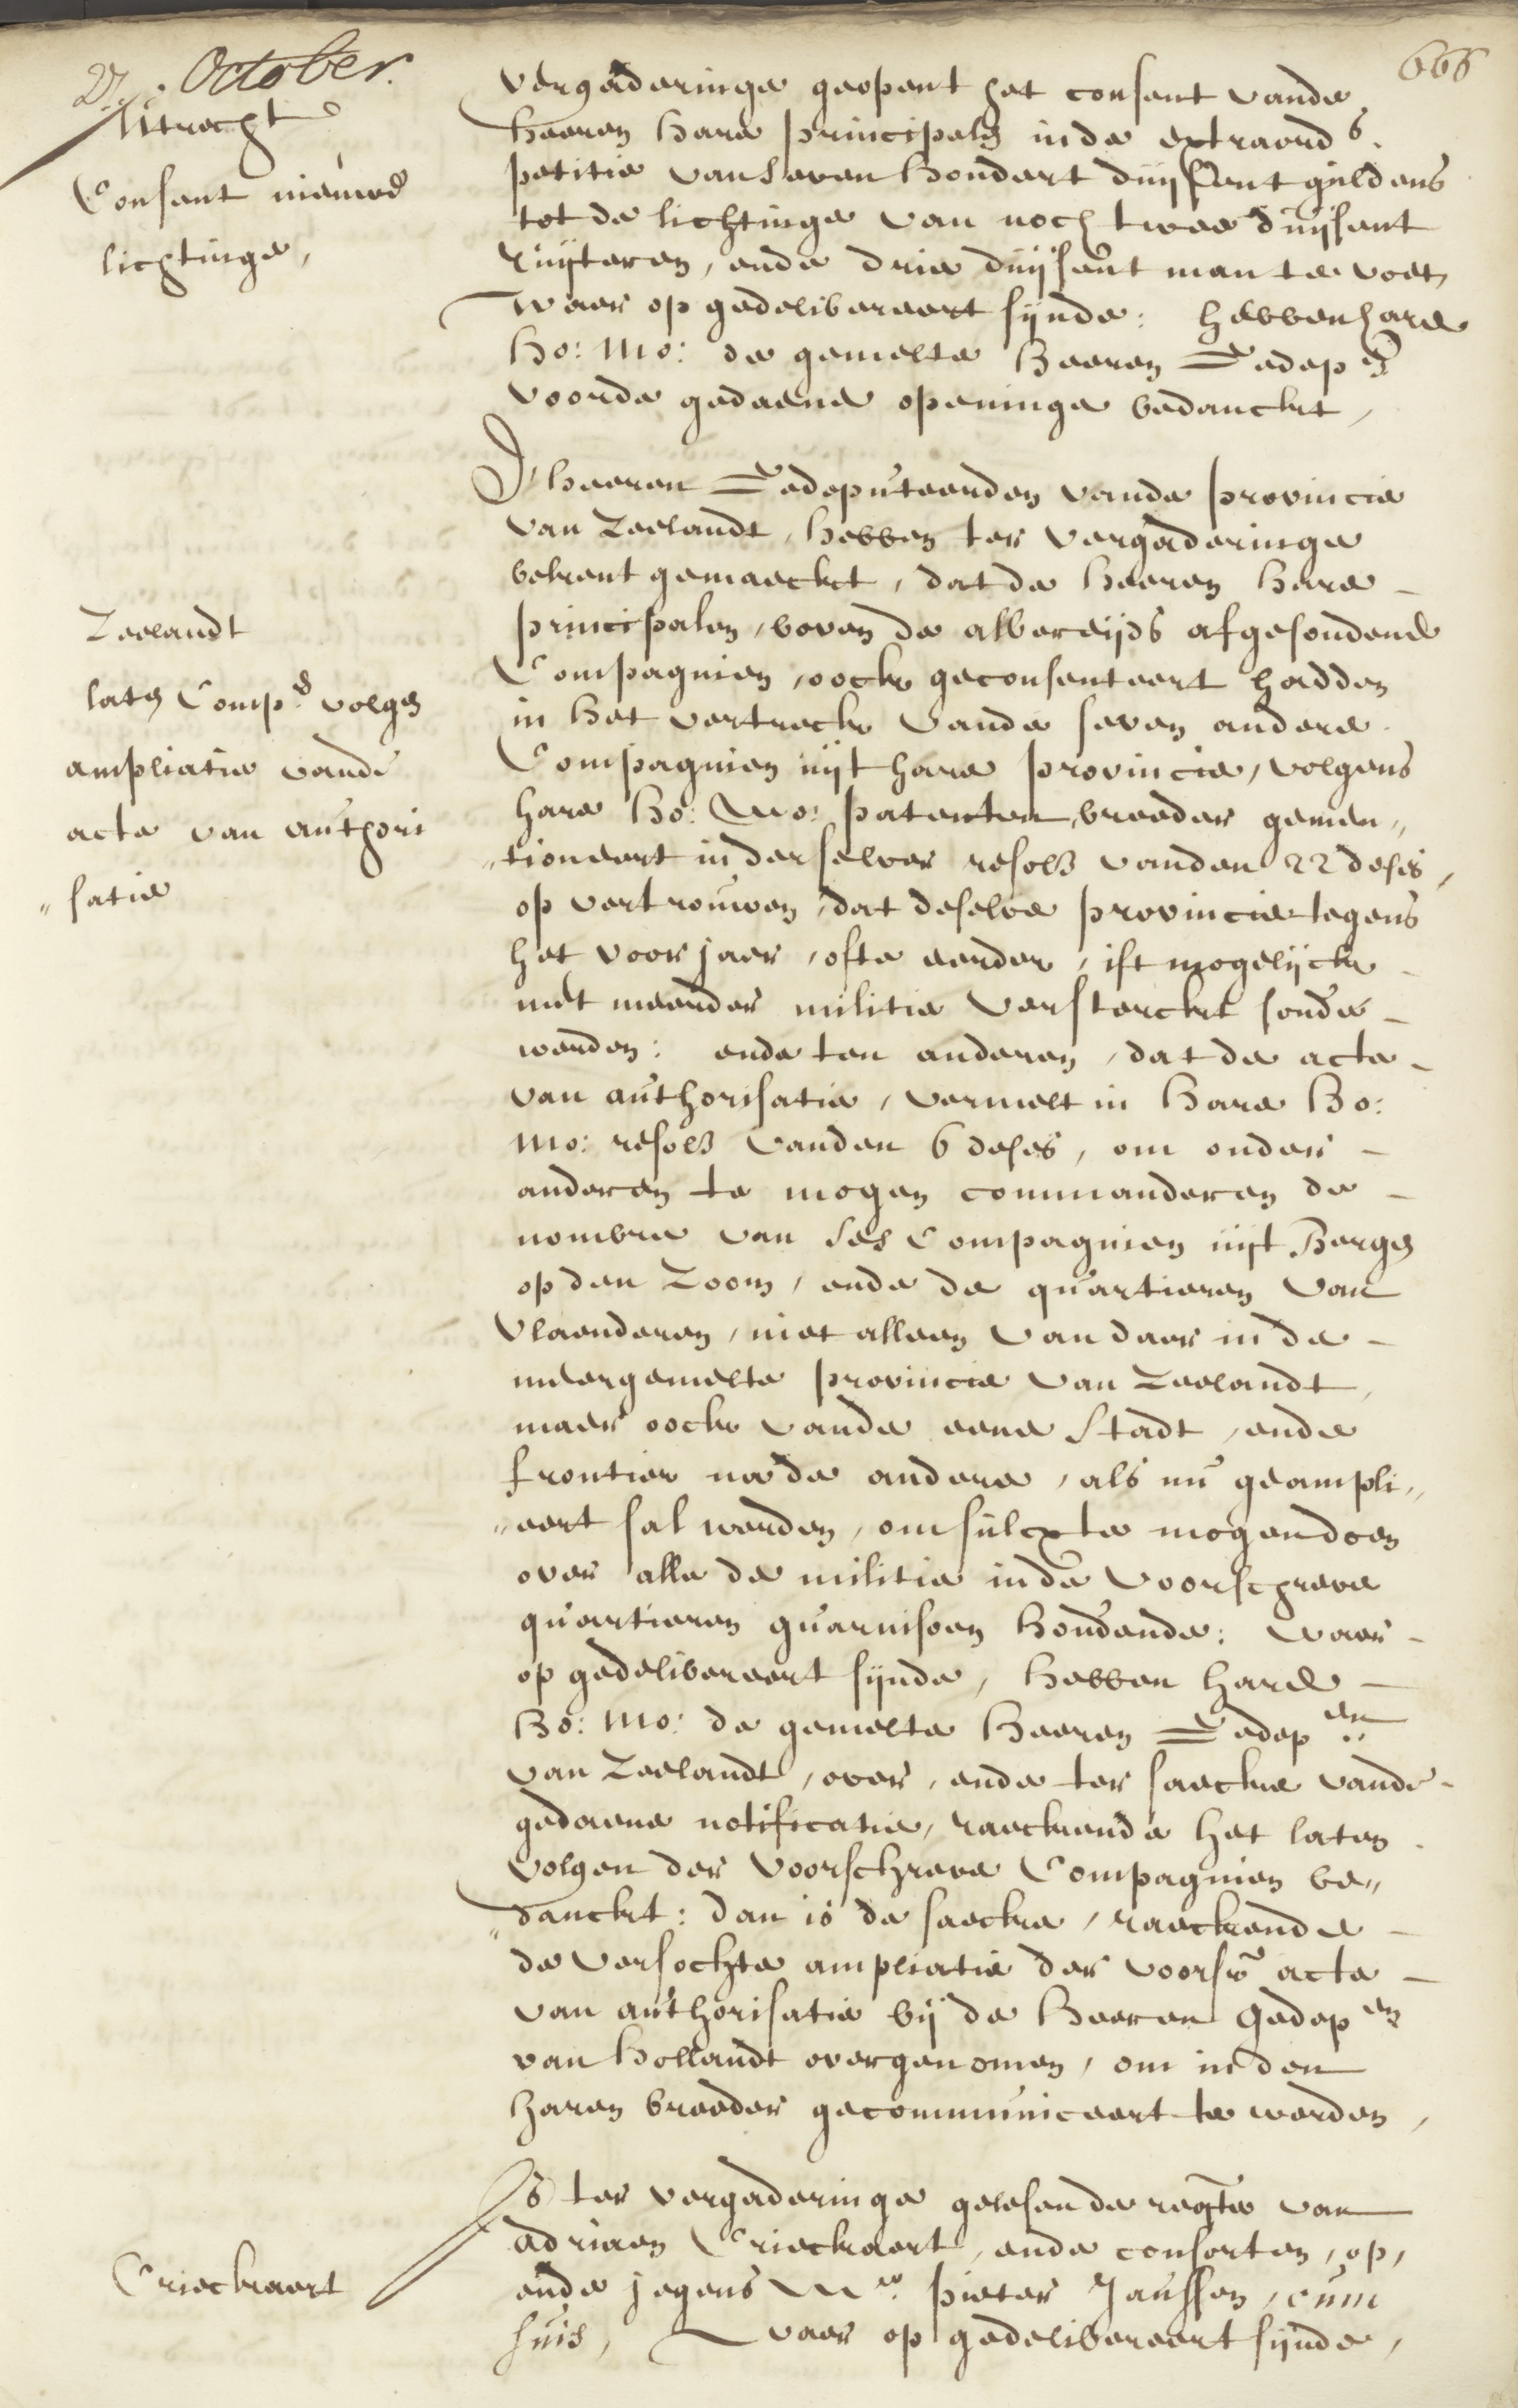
666
27. October.
Utrecht
Consent nieuwe
lichtinge.
vergaderinge geopent het consent vande
heeren hare principalen in de extraords
petitie van seven hondert duijsent guldens
tot de lichtinge van noch twee duijsent
ruijteren, ende drie duijsent man te voet.
Waer op gedelibereert sijnde: hebben hare
Ho:Mo: de gemelte Heeren Gedepen
voorde gedaene openinge bedanckt.
Zeelandt
late Compen. volgen
ampliatie vande
acte van authori„
satie
D'Heeren Gedeputeerden vande provincie
van Zeelandt, hebben ter vergaderinge
bekent gemaeckt, dat de heeren hare
principalen, boven de albereijds afgesondene
Compagnien, oock geconsenteert hadden,
in het vertreck vande seven andere
Compagnien uijt hare provincie, volgens
hare Ho:Mo: patenten, breeder gemen„
,,tioneert in der selver resol vanden 22 deses,
op vertrouwen, dat deselve provincie tegens
het voor jaer, ofte eerder, ist mogelijck
met meerder militie versterckt soude
werden: ende ten anderen, dat de acte
van authorisatie, vermelt in hare Ho:
Mo: resol vanden 6 deses, om onder
anderen te mogen commanderen de
nombre van Ses Compagnien uijt Bergen
op den Zoom, ende de quartieren van
Vlaenderen, niet alleen van daer in de
meergemelte provincie van Zeelandt,
maer oock vande eene Stadt, ende
frontier na de andere, als nu geampli„
„eert sal werden, om sulcx te mogen doen
over alle de militie inde voorschreve
quartieren quarnisoen houdende: waer
op gedelibereert sijnde, hebben hare -
Ho: Mo: de gemelte Heeren Gedepen
van Zeelandt, over, ende ter saecke vande
gedaene notificatie, raeckende het laten
volgen der voorschreve Compagnien be„
danckt: dan is de saecke, raeckende
de versochte ampliatie der voorsr acte
van authorisatie bij de Heeren Gedepen
van Hollandt overgenomen, om in den
haren breeder gecommuniceert te werden
Crieckaert
Is ter vergaderinge gelesen de reqte van
Adriaen Crieckaart, ende consorten, op,
ende jegens mr. Pieter Jaussen, cum,
suis. Waer op gedelibereert sijnde,
